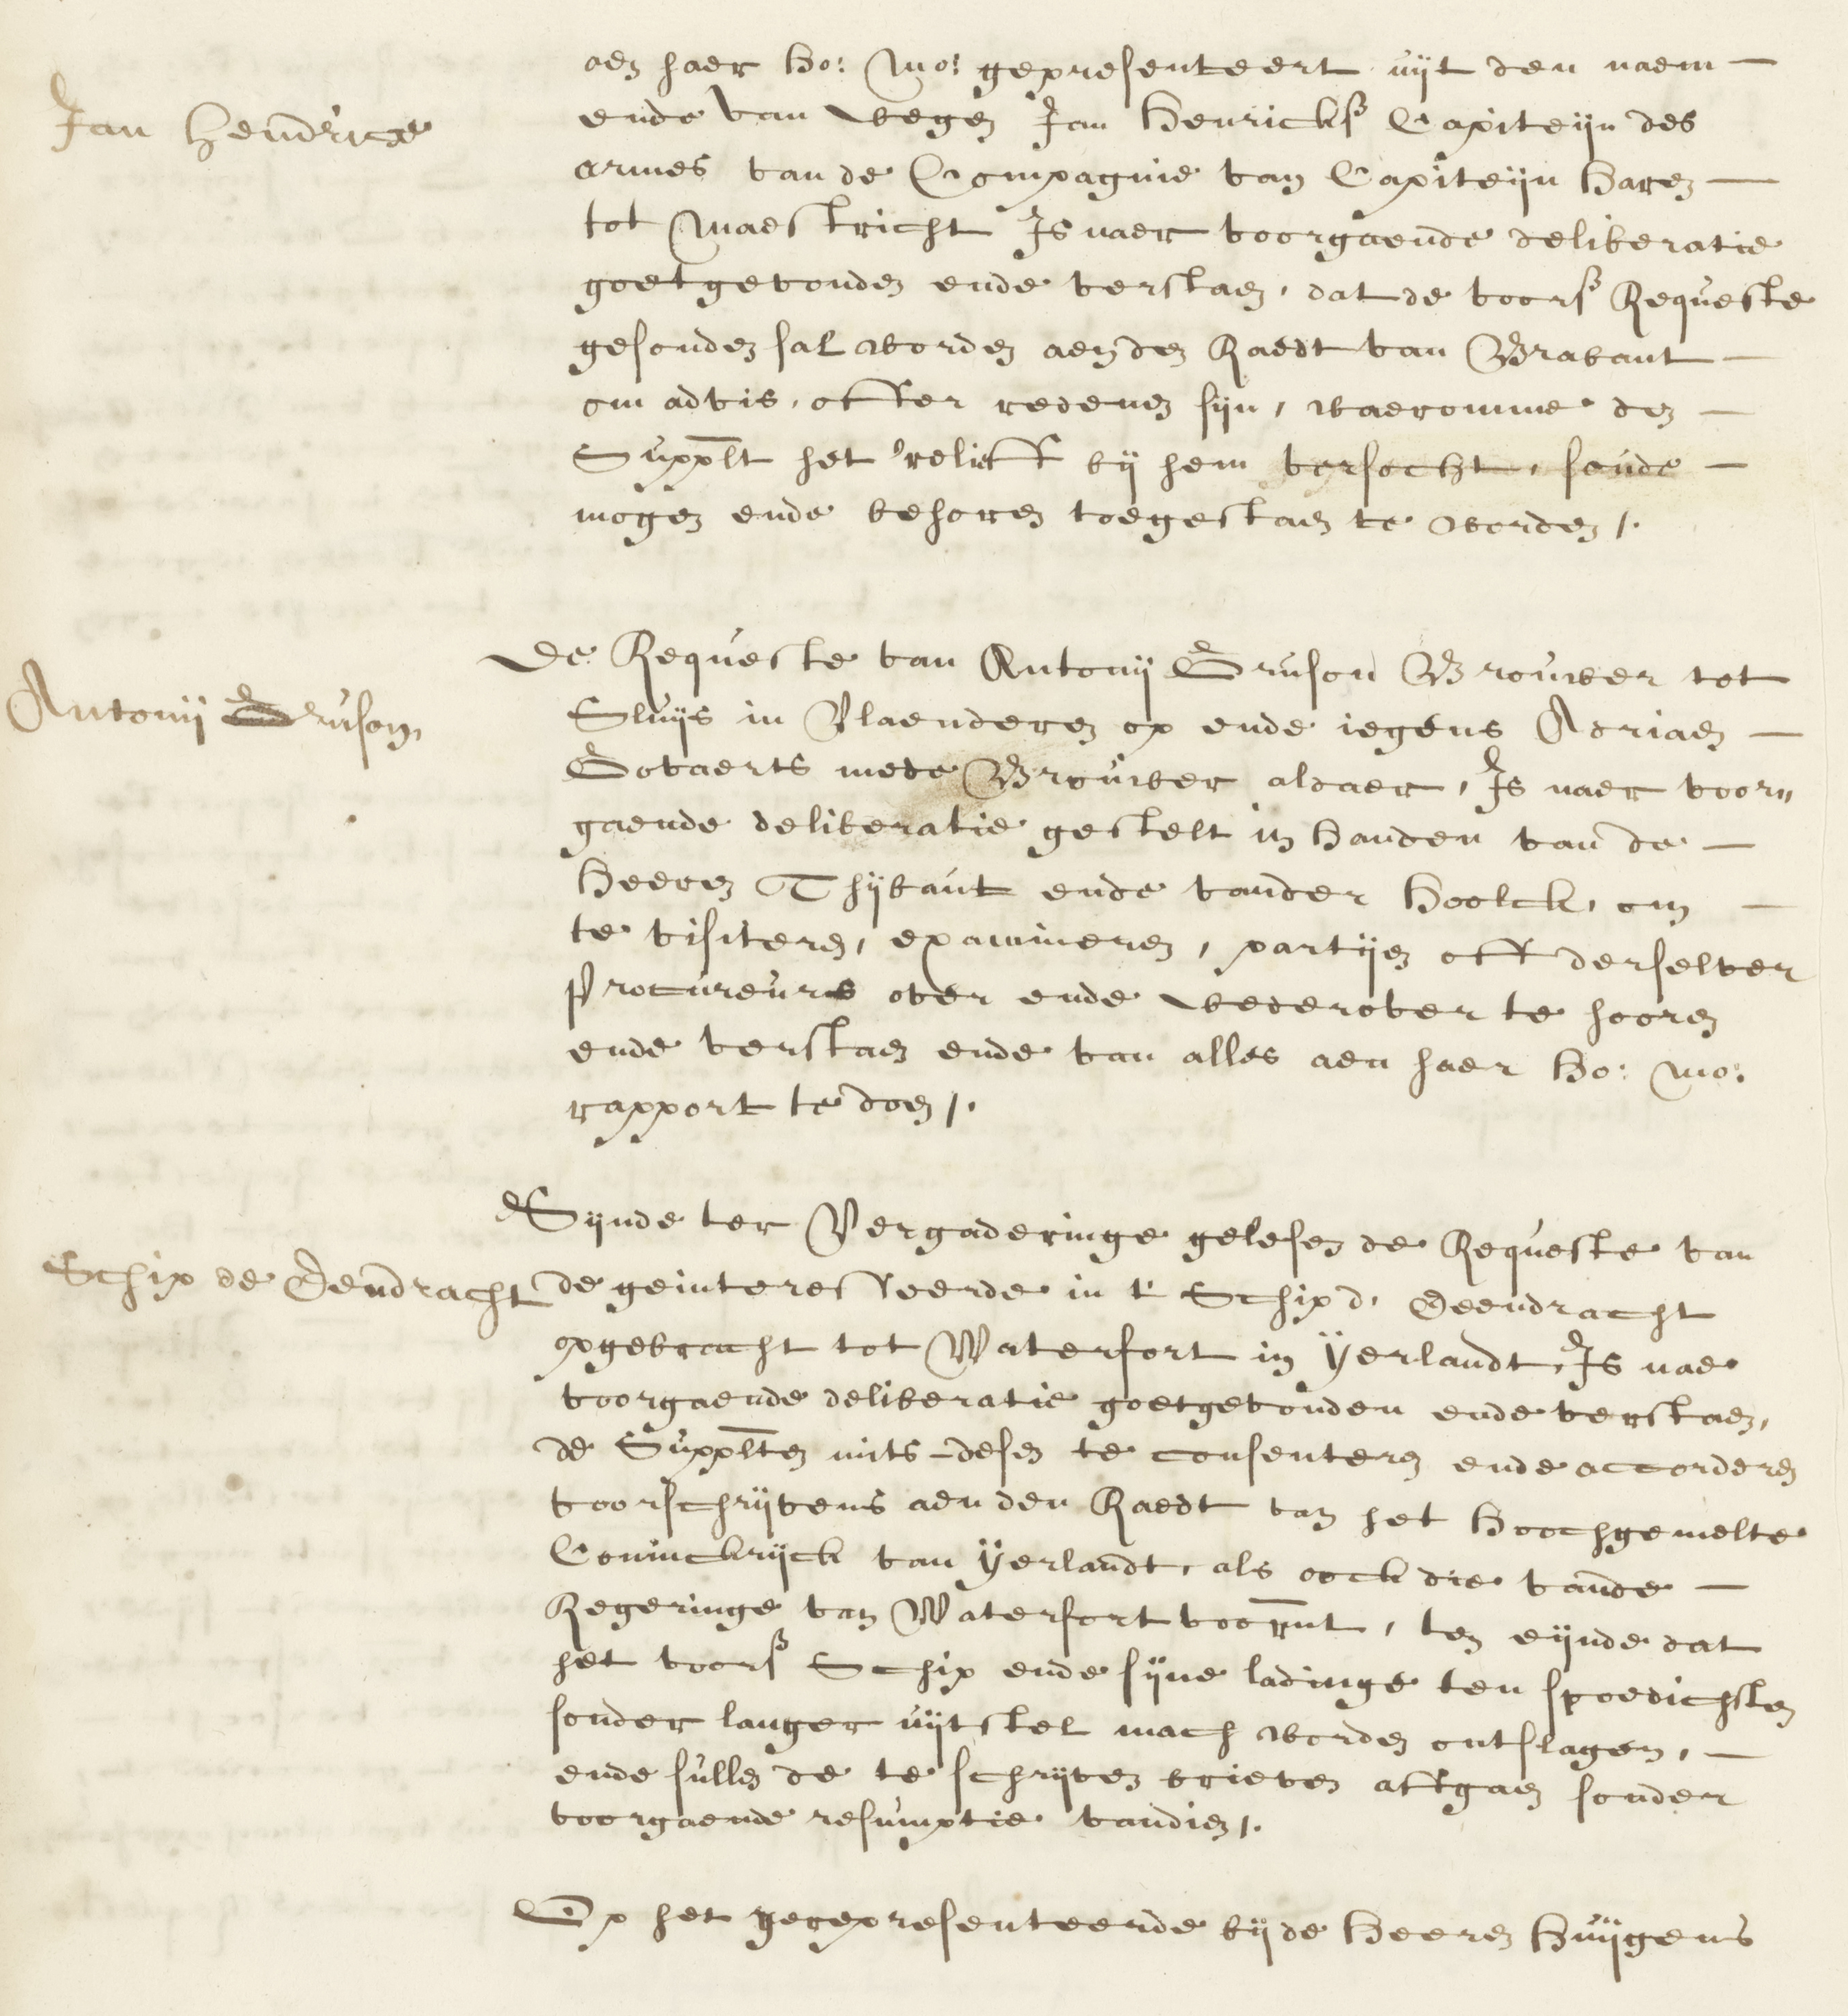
Jan Hendricx
aen haer ho:Mo: gepresenteert uijt den naem
ende van wegen Jan Henricks Capiteijn des
armes van de Compagnie van Capiteijn Haren
tot maestricht Is naer voorgaende deliberatie
goetgevonden ende verstaen, dat de voors Requeste
gesonden sal worden aen den Raedt van Brabant
om advis, ofter redenen sijn, waecomme den
Supplt het relieff bij hem versochte, soude
mogen ende behoren toegestaen te worden.
Antonij Gruson
De Requeste van Antonij Gruson Brouwer tot
Sluijs in Vlaenderen op ende jegens Adriaen
Govaerts mede Brouwer aldaer, Is naer voor„
gaende deliberatie gestelt in handen van de
Heeren Thijbaut ende vander Hoolck, om
te visiteren, examineren, partijen off derselver
Procureurs over ende wederover te hooren
ende verstaen ende van alles aen haer Ho:Mo:
rapport te doen.
Schip de Eendracht
Sijnde ter Vergaderinge gelesen de Requeste van
de geinteresseerde in t' Schip d'Eeendracht
opgebracht tot Waterfort in IJerlandt, Is nae
voorgaende deliberatie goetgevonden ende verstaen,
de Supplten mits-desen te consenteren ende accorderen
voorschrijvens aen den Raedt van het Hoochgemelte
Coninckrijck van IJerlandt, als oock die vande
Regeringe van Waterfort voornt, ten eijnde dat
het voors Schip ende sijne ladinge ten spoedichsten
sonder langer uijtstel mach worden ontslagen,
ende sullen de te schrijven brieven affgaen sonder
voorgaende resumptie vandien.
Op het gerepresenteerde bij de Heeren Huijgens
